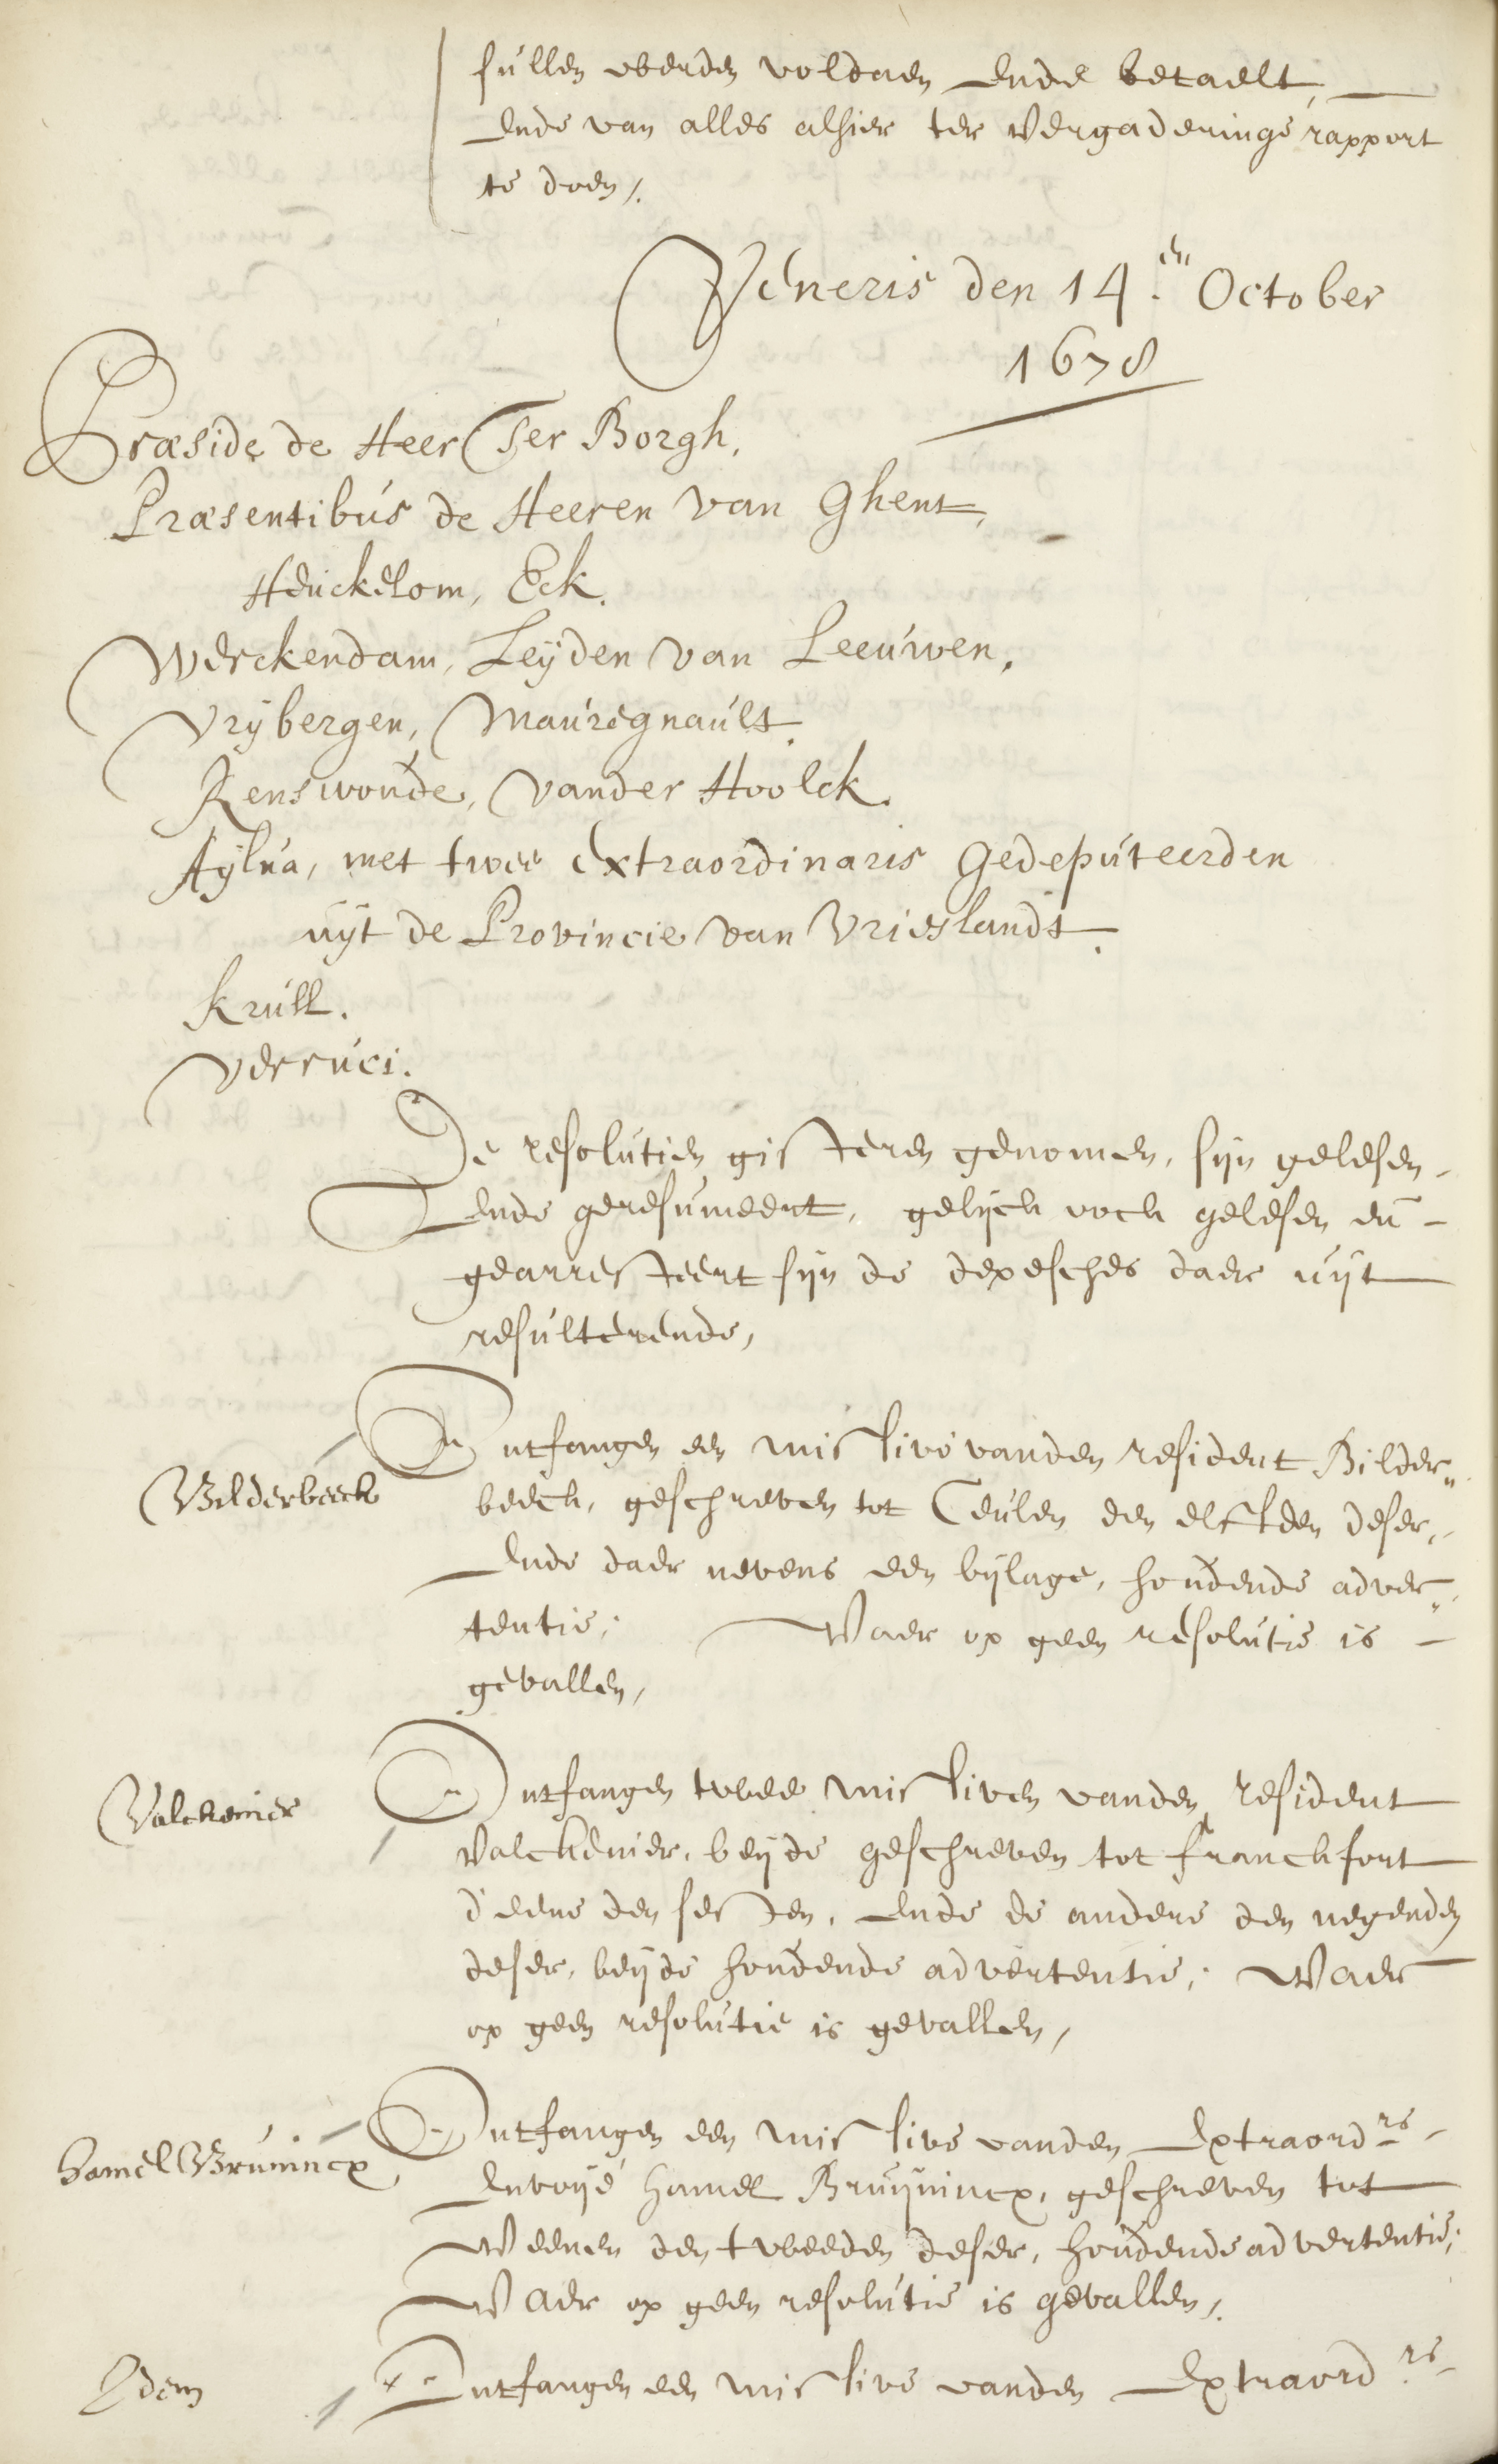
sullen werden voldaen ende betaelt
ende van alles alhier ter vergaderinge rapport
te doen.
Veneris den 14en. October
1678
Præside de Heer Ter Borgh,
Præsentibus de Heeren van Ghent,
Heuckelom, Eck
Werckendam, Leijden van Leeuwen,
Vrijbergen, Mauregnault
Renswoude, Vander Hoolck,
Aylua, met twee Extraordinaris Gedeputeerden
uijt de Provincie van Vrieslandt
Krull.
Verruci.
De resolutien gisteren genomen, sijn gelesen
ende geresumeert, gelijck oock gelesen en
gearresteert sijn de depesches daer uijt
resulterende.
Bilderbeeck
Ontfangen een missive vanden resident Bilder,,
beeck, geschreven tot Ceulen den elffden deser
ende daer nevens een bijlage, houdende adver,,
tentie: Waer op geen resolutie is
gevallen.
Valckenier
Ontfangen twee missiven vanden resident
Valckenier, beijde geschreven tot Franckfort
d‛eene den sesten, ende de andere den negenden
deser, beijde houdende advertentie; Waer
op geen resolutie is gevallen.
Hamel Brunincx,
Ontfangen een missive vanden Extraordrs.
Envoijé Hamel Bruijnincx, geschreven tot
Weenen den tweeden deser, houdende advertentie:
Waer op geen resolutie is gevallen.
Idem
Ontfangen een missive vanden Extraordrs.
